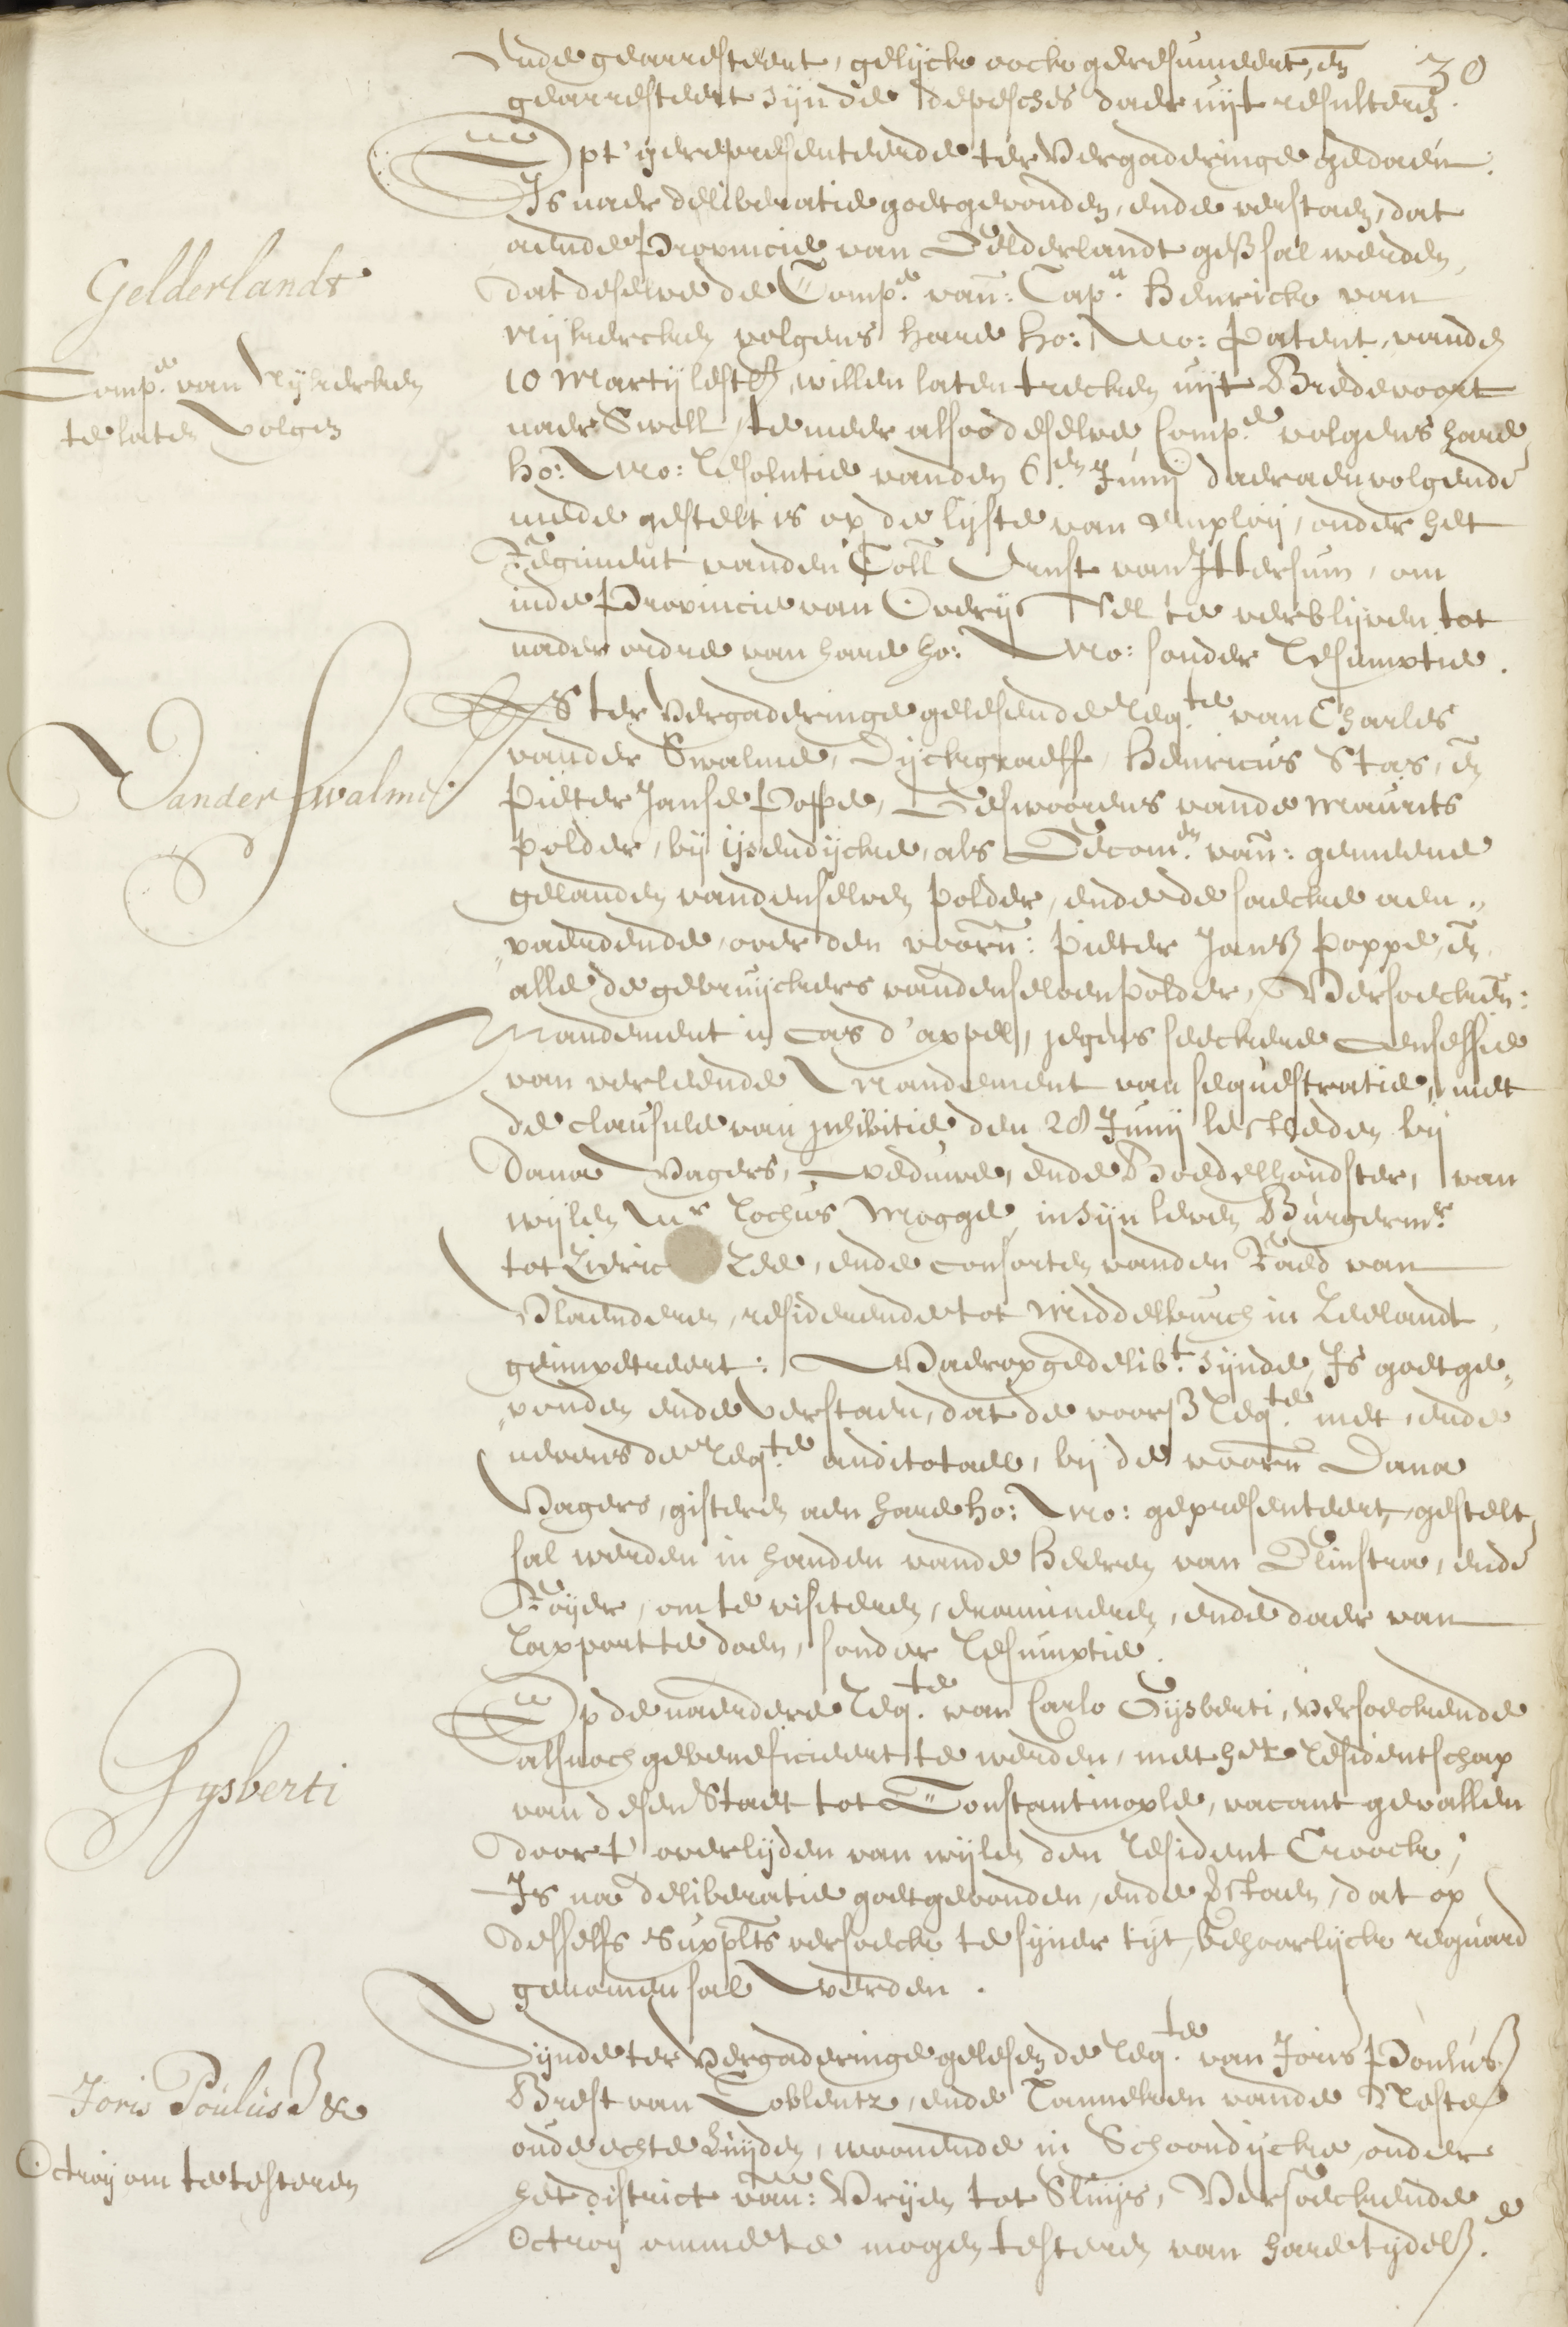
30
ende gearresteert, gelijck oock geresumeert, en
gearresteert sijn de depesches daer uijt resulteren.
Gelderlandt
Compe van Nijkercken
te laten volgen
Opt‛ gerepresenteerde ter Vergaderinge gedaen
Is naer deliberatie goetgevonden, ende verstaen, dat
aende Provincie van Gelderlandt ges sal werden
dat deselve de Compe van Capn Henrick van
Nijkercken volgens hare Ho:Mo: patent, vanden
10 Martij lestl, willen laten trecken uijt Bredevoort
naer Swoll, te meer alsoo deselve Compe volgens hare
Ho:Mo: resolutie vanden 6en Junij daeraenvolgende
mede gestelt is op de lijste van emploij, onder het
Regiment vanden Coll Ernst van Ittersum, om
inde Provincie van Overijssel te verblijven tot
nader ordre van hare Ho:Mo: sonder resumptie.
Vander Swalm
Is ter Vergaderinge gelesende reqte van Charles
vander Swalme, Dijckgraeff, Henricus Stas, en
Pieter Janse Poppe, Geswoorens vande Maurits
polder, bij IJsendijcke, als Gecomden van gemeene
gelanden vandenselven polder, ende de saecke aen„
vaerdende over den voorn. Pieter Janesz. Poppe, en
alle de gebruijckers vandenselven polder. Versoecken
Mandement in cas d'appel, jegens seeckere consessie
van verleende Mandement van sequestratie, met
de clausule van inhibitie den 28 Junij lestleden bij
Dana Vagers, Weduwe ende Boedelhoudster van
wijlen mr rochus Mogge in sijn leven Burgermr.
tot Zieric zee, ende consorten vanden Raed van
Vlaenderen, residerende tot Middelburch in Zeelandt
geimpetreert: Waerop gedelibt sijnde, Is goetge„
vonden ende verstaen, dat de voors. reqte met ende
nevens de reqte anditotael, bij de voorn Dana
Vagers, gisteren aen hare Ho:Mo: gepresenteert, gestelt
sal werden in handen vande heeren van Glinstra, ende
Goijer, om te visiteren, examineren, ende daer van
rapport te doen, sonder resumptie.
Gijsberti
Op de naerdere reqte van Carlo Gijsberti, versoeckende
alsnoch gebeneficieert te werden, met het residentschap
van desen Staet tot Constantinople, vacant gevallen
door t' overlijden van wijlen den resident Croock,
Is na deliberatie goetgevonden, ende vstaen, dat op
desselfs supplts versoeck te sijner tijt, behoorlijck reguard
genomen sal werden.
Joris Poulus &
Octroij om te testeren
Sijnde ter vergaderinge gelesen de reqte van Joris Pouluss
Brest van Coblentz, ende Tanneken vande Neste
oude echte Luijden, woonende in Schoondijcke, onder
het district van Vrijen tot Sluijs, Versoeckende
Octroij omme te mogen testeren van hare tijdele
